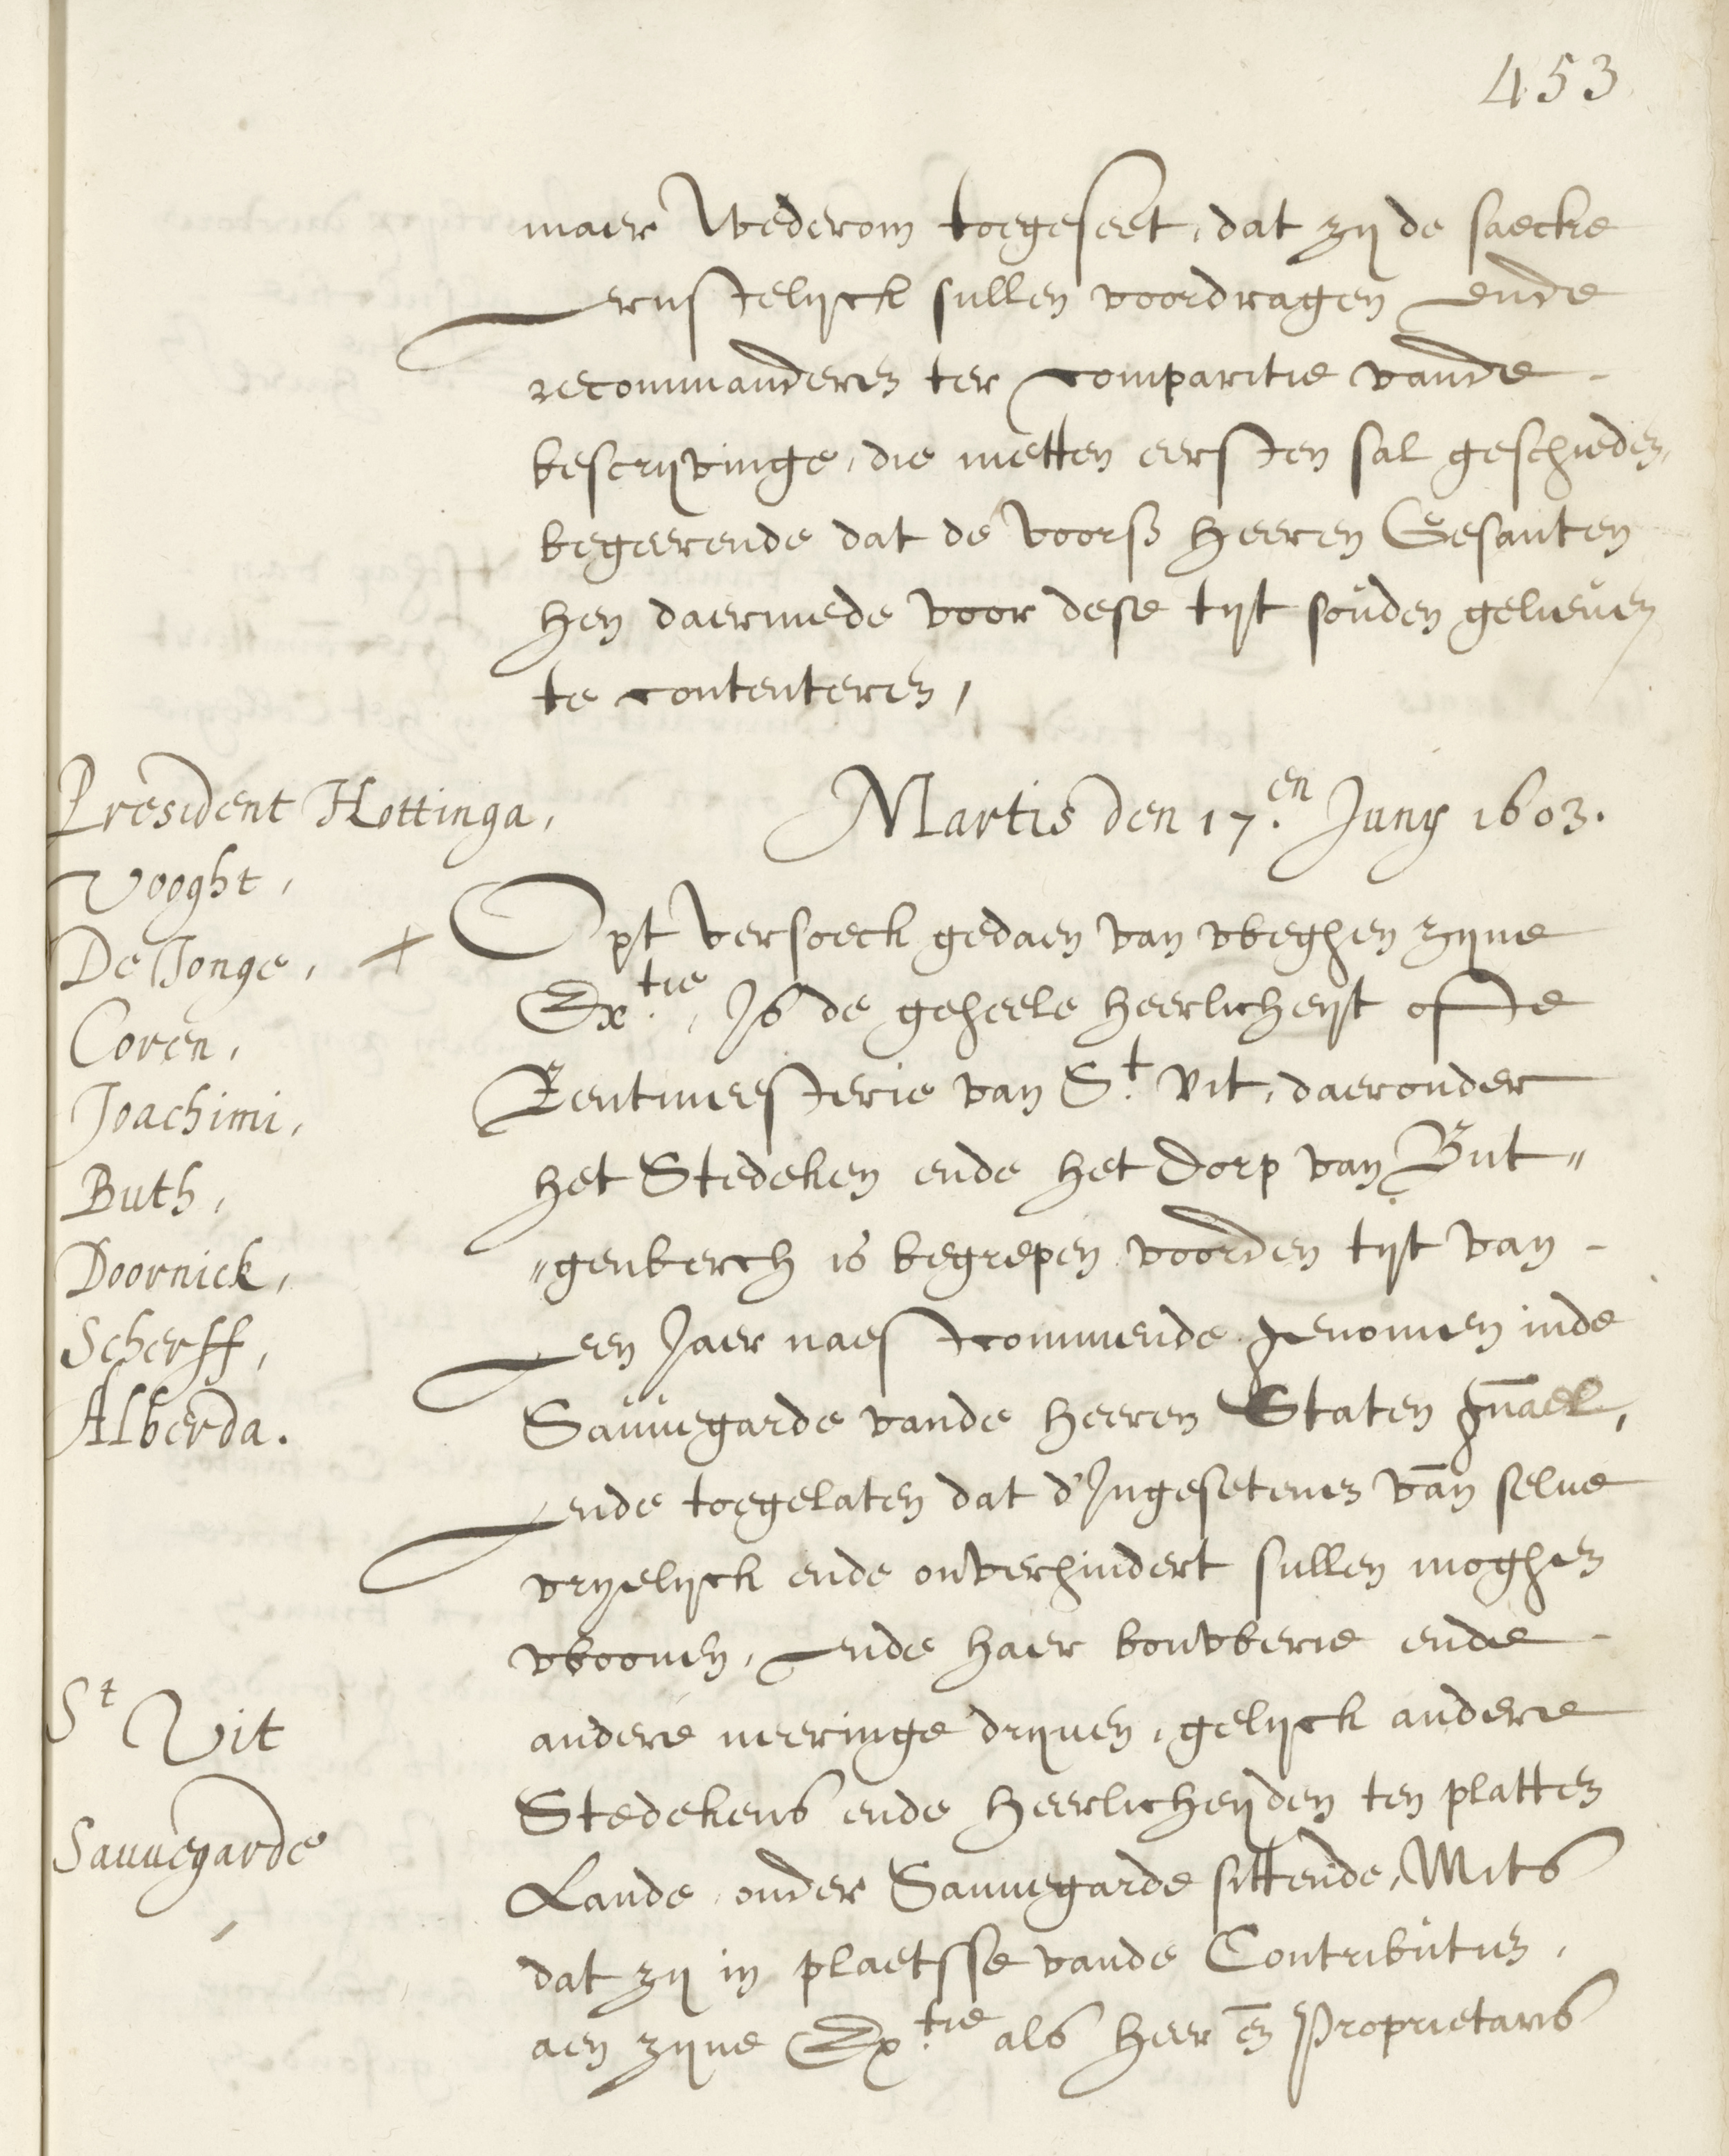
453
maer wederom toegeseet, dat zy de saecke
ernstelyck sullen voordragen ende
recommanderen ter comparitie vande
bescryvinge, die metten eersten sal geschieden,
begeerdende dat de voors heeren Gesanten
hen daermede voor dese tyt souden gelieuen
te contenteren.
Martis den 17en. Juny 1603.
President Hottinga,
Vooght,
De Jonge,
Coren,
Joachimi,
Buth,
Doornick,
Scherff,
Alberda.
St Vit
Sauuegarde
Opt versoeck gedaen van weghen zyne
Extie, Is de geheele heerlicheyt ofte
Rentmeesterie van St. Vit, daeronder
het Stedeken ende het dorp van But„
„genberch is begrepen voorden tyt van
een jaer naestcommende genomen inde
Sauuegarde vande heeren Staten Gnael,
ende toegelaten dat d‛Ingesetenen van selue
vryelyck ende onverhindert sullen moghen
woonen, ende haer bouwerie ende
andere neeringe dryuen, gelyck andere
Stedekens ende heerlicheyden ten platten
Lande, onder Sauuegarde sittende, Mits
dat zij in plaetsse vande Contributien,
aen zyne Extie als heer en Proprietaris
